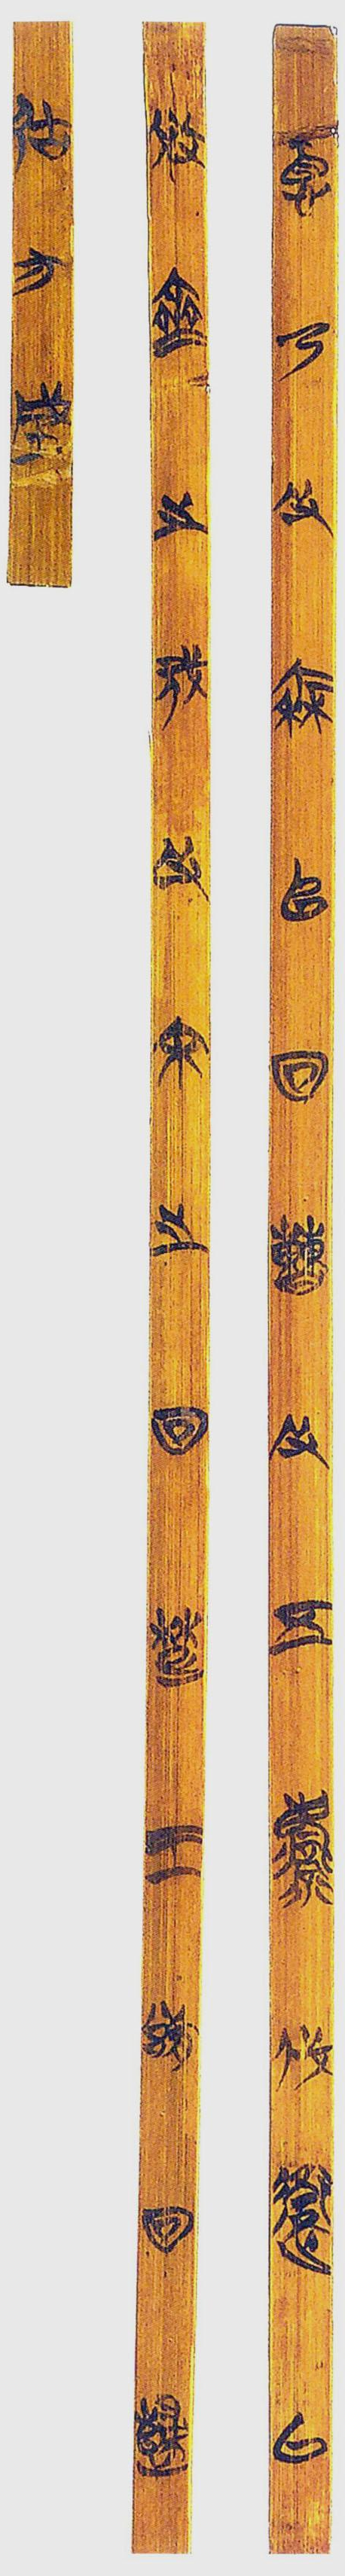惪乃及秦𠂤回曹及五{鹿彔}伐{衛止}㠯（以）敓齊之戍及宋之回楚王豫回歸居方城
